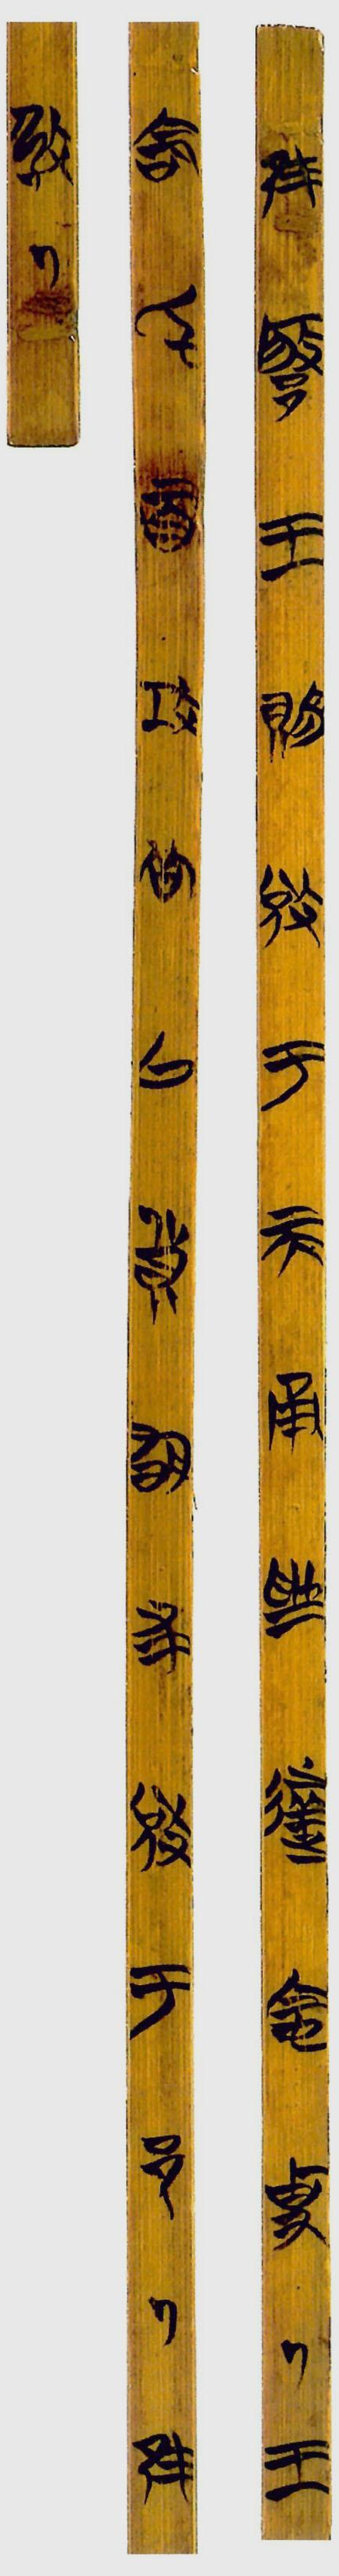隹{殷邑}（殷）王賜敓（說）于天甬爲{辶止㚔}（失）{宀𠁩}（仲）史人王命氒百攻向㠯（以）貨旬求敓（說）于邑人隹{弓攴}人
